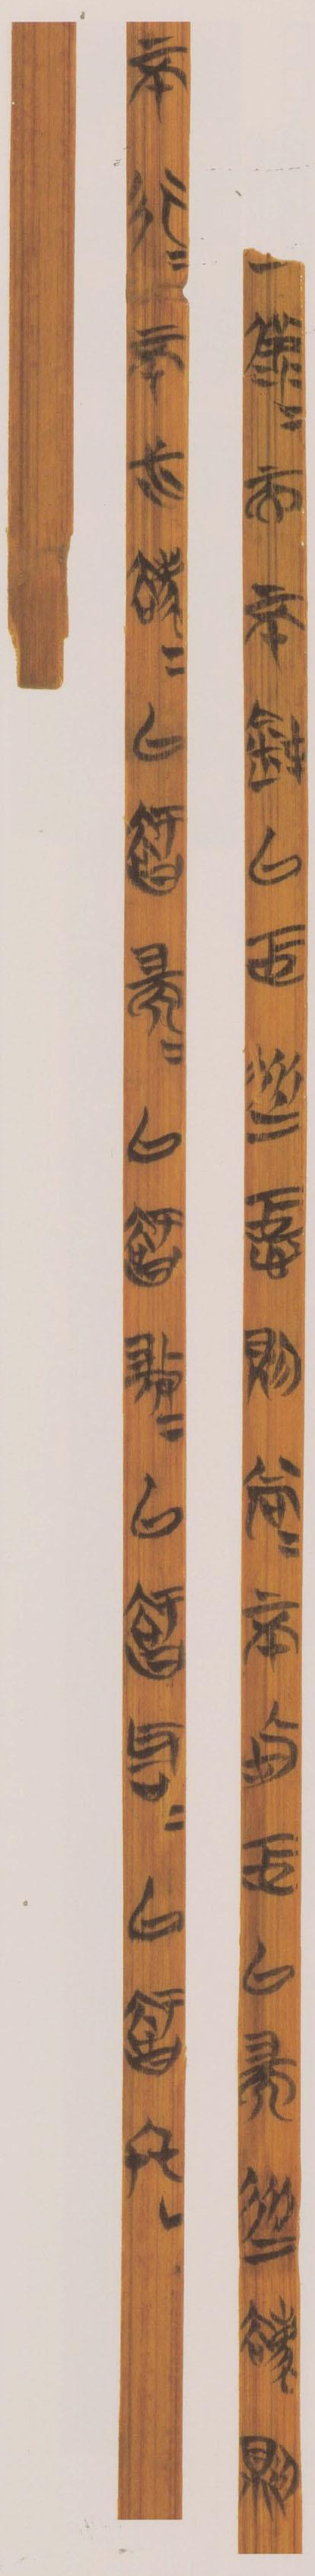□□備=而不釮㠯（以）𠁩從忠則尚=不{才匕}𠁩㠯（以）耑從{去廌}則不行=不必{去廌}㠯（以）智耑=㠯（以）智𡵂攴=㠯（以）智台B=㠯（以）智夂
